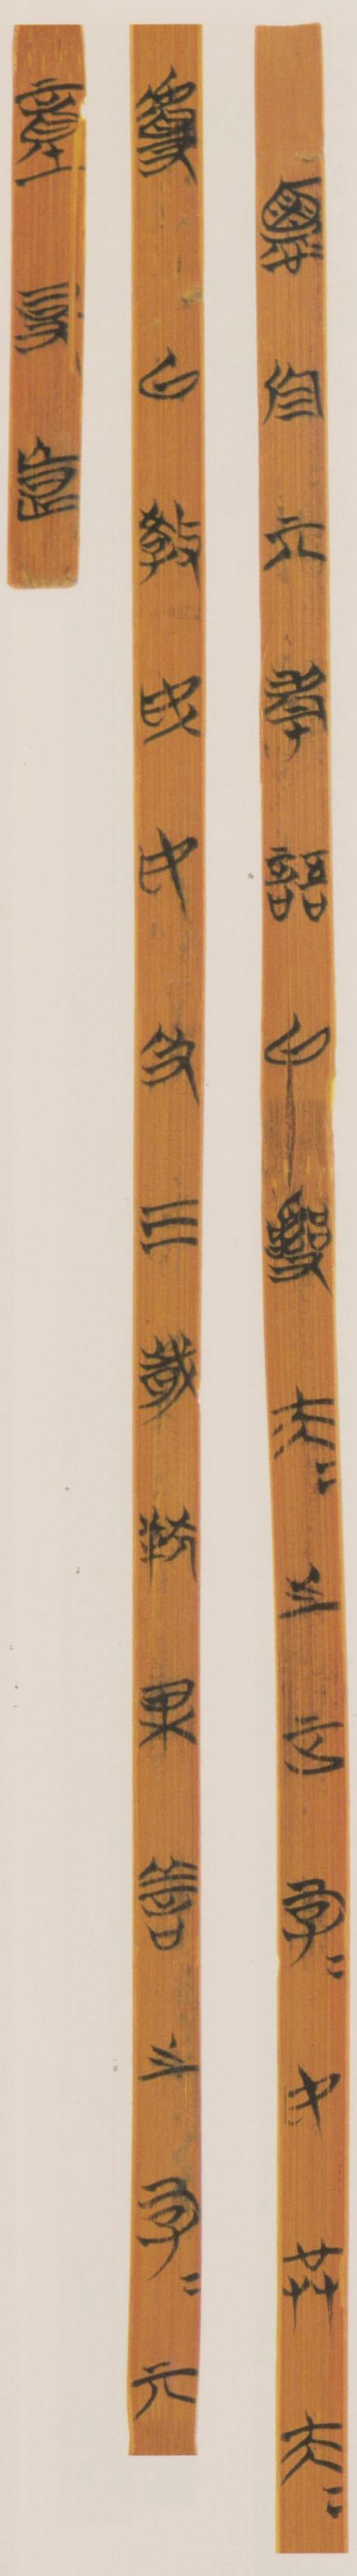{鹵皿}於亓考語㠯（以）{𤔔㗊}夫=之正乳=女共夫=虘B㠯（以）教𡚦女及三歲幸果善之乳=亓童𠭁良
